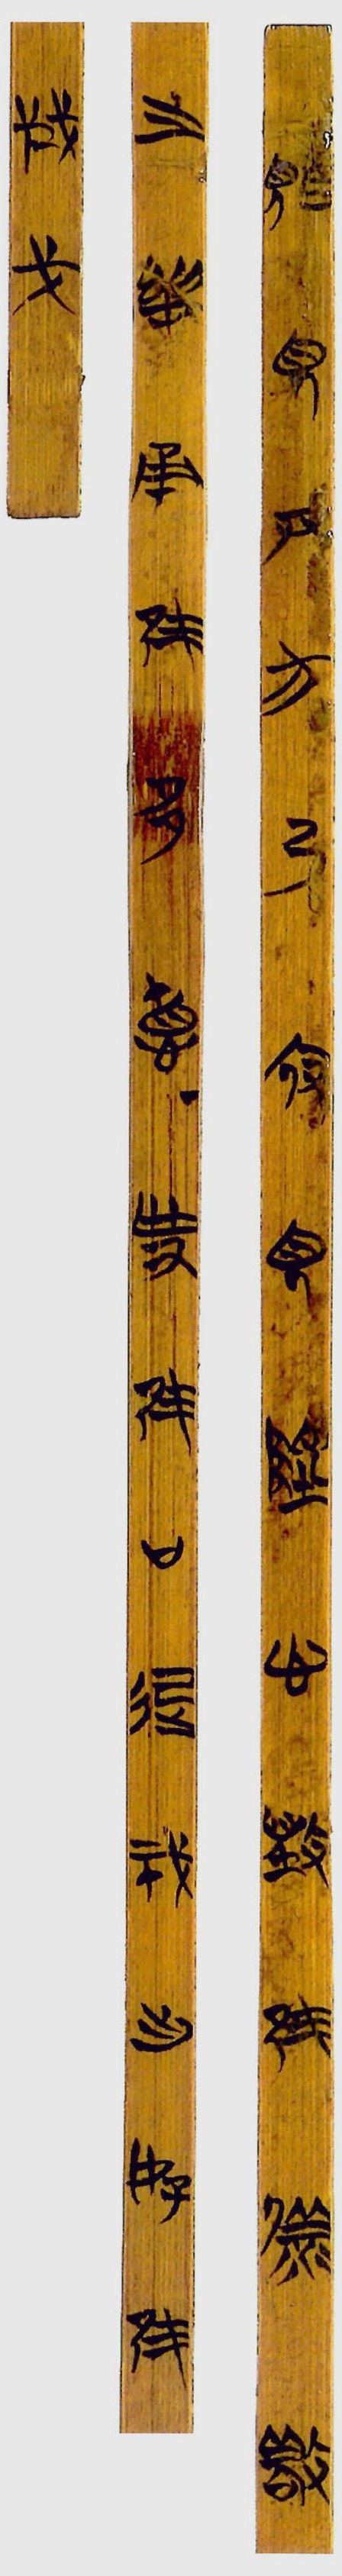{見？}見四方乃府見地（地）心毀隹備敬之𪪋（哉）甬隹多惪拃（作）隹口起（起）戎出好隹{干戈}戈
